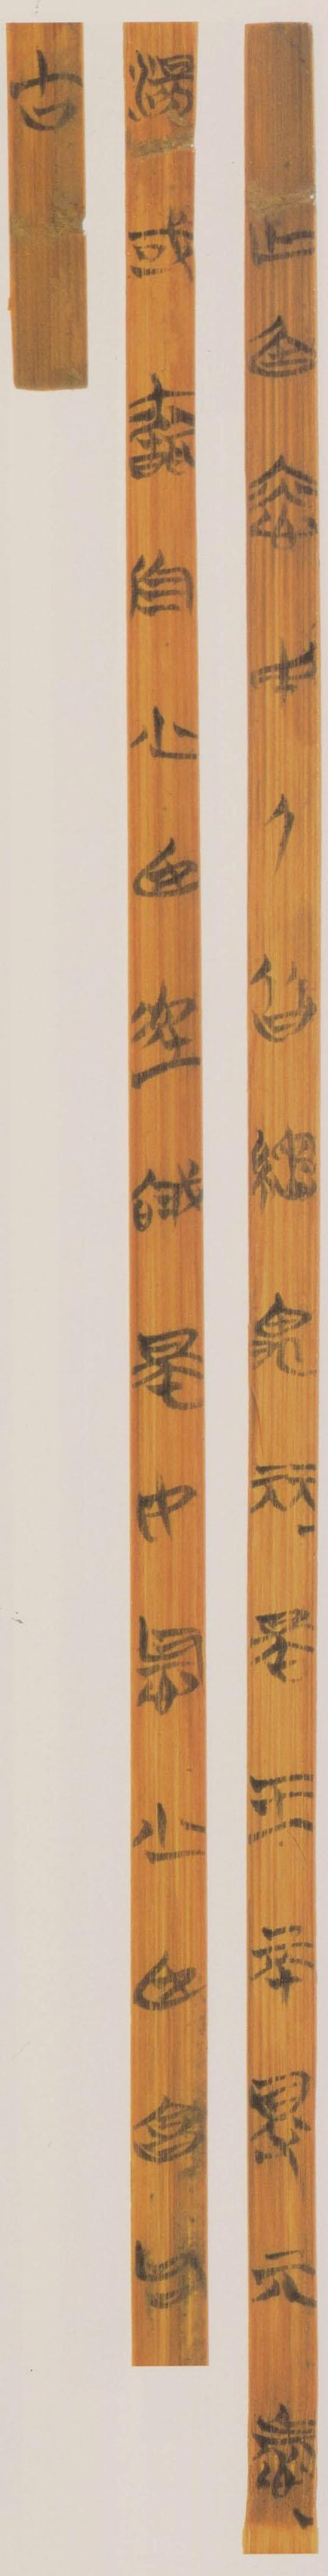亡卣恋民人皆{糸矛山}禺{亓亓,元元}{日虫}王不𠭁亓𢝬湯或䎽於少臣𫊟{戈今}{日虫}女怠少臣合句古
